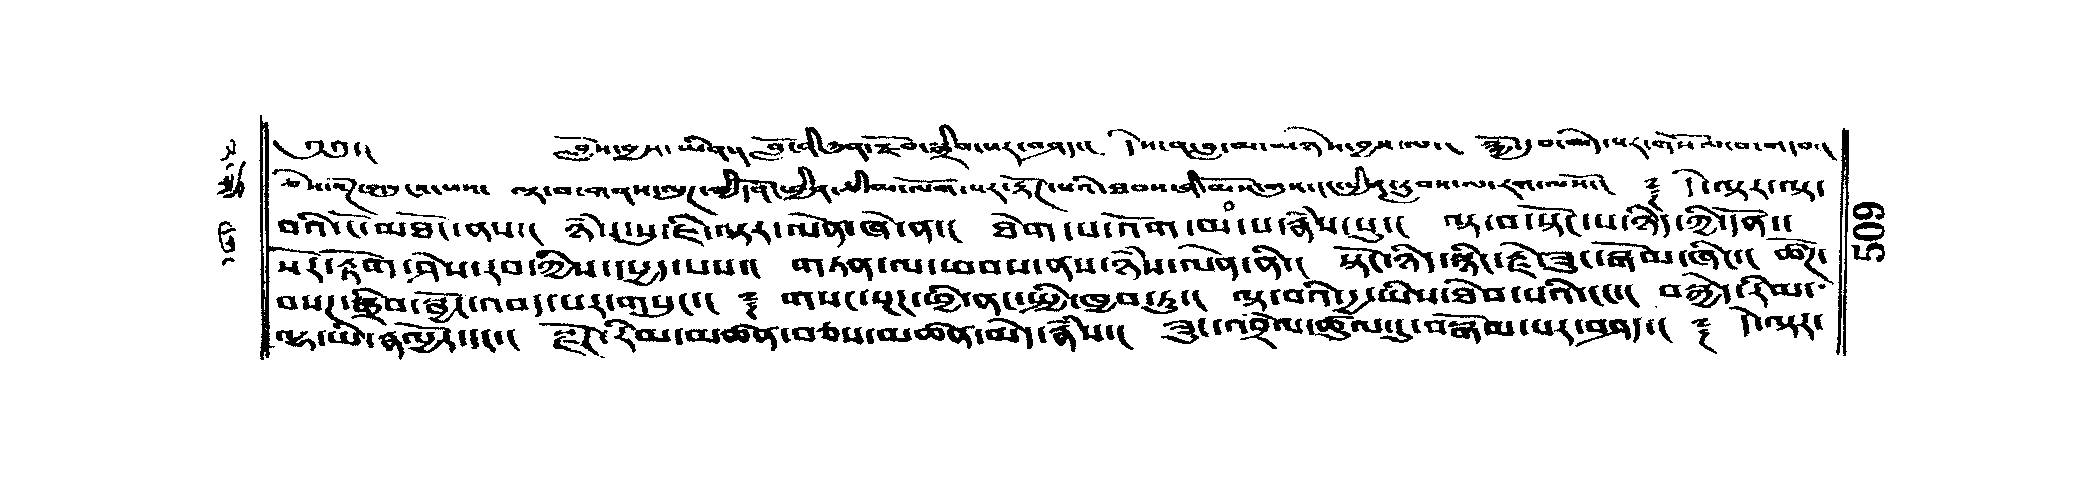བློ་བྱས་ཡིན། །བློ་ནི་ཀུན་རྗོབ་སྒྲིབ་པར་བཤད། །དེས་ན་བླ་མ་མཉེས་བྱས་ལ། །སྐྱོ་དུབ་མེད་པར་གསོལ་བ་གདབ། 
ཅེས་སོགས་གསུངས་པས། ལྟ་བ་གནས་ལུགས་ཀྱི་དོན་ཕྱིན་ཅི་མ་ལོག་པར་རྟོགས་པའི་ཐབས་ནི་མོས་གུས་དང་བྱིན་རླབས་ལ་རག་ལས་སོ།། ༈ དེ་ལྟར་ལྟ་
བའི་ངོ་མཐོང་ནས། །ཉམས་སུ་ཇི་ལྟར་ལེན་ཞེ་ན། །ཐེག་པ་འོག་མ་པ་རྣམས་སུ། །ལྟ་བ་སྟོང་པ་ཉིད་ཀྱི་དོན། །
སོར་རྟོག་ཤེས་རབ་ཀྱིས་དཔྱད་པས། །གཏན་ལ་ཕབས་ནས་ཉམས་ལེན་ནི། །སྟོང་ཉིད་སྙིང་རྗེ་ཟུང་སྒོམ་ཞིང་། །ཚོགས་
བསགས་སྒྲིབ་སྦྱོང་འབད་པར་གསུངས། ༈ གསང་སྔགས་ཕྱི་ནང་སྤྱི་ཁྱབ་ཏུ། །ལྟ་བའི་རྒྱ་ཡིས་ཐེབ་པའི་ངང་། །བསྐྱེད་རིམ་
ལྷ་ཡི་རྣལ་འབྱོར་དང་། །རྫོགས་རིམ་མཚན་བཅས་མཚན་མེད་རྣམས། །ཟུང་འབྲེལ་ཚུལ་དུ་བསྒོམ་པར་བཤད། ༈ དེ་ལྟར་